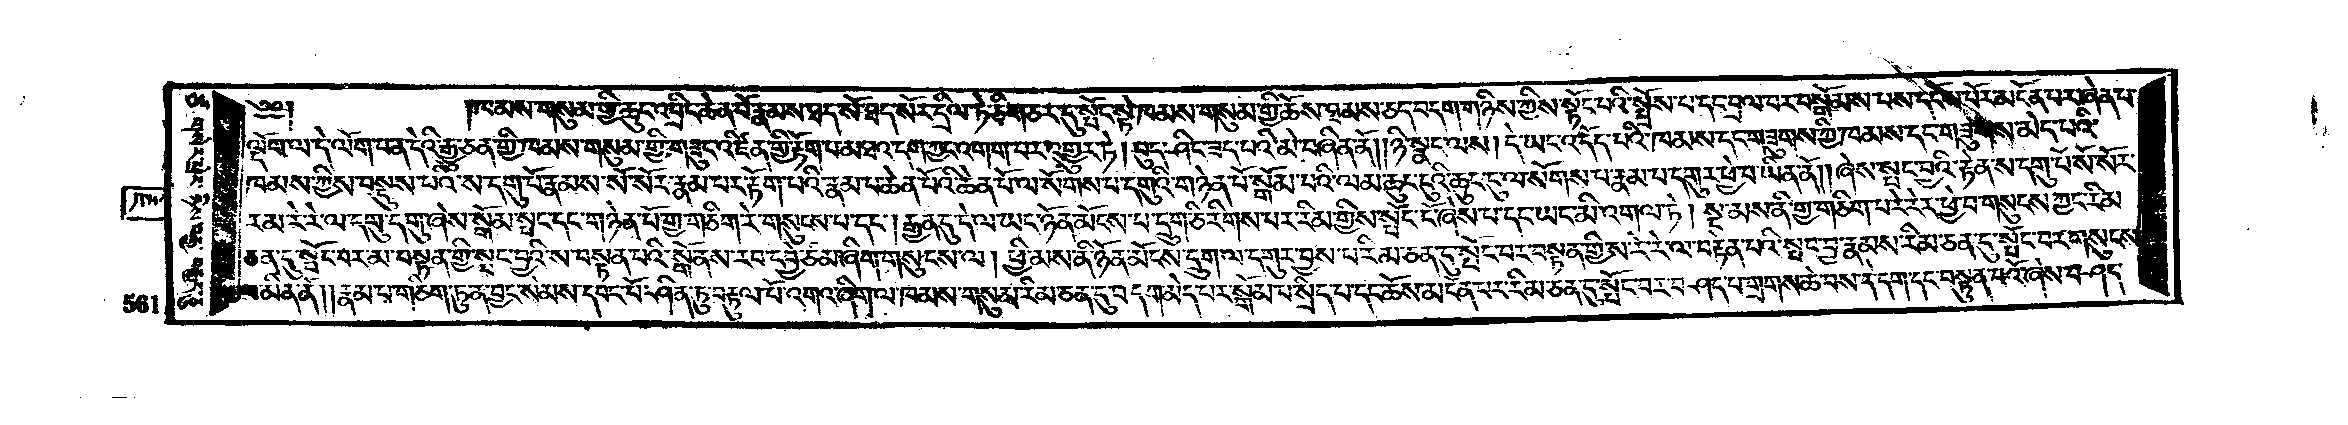༄༅། །ཁམས་གསུམ་གྱི་ཆུང་འབྲིང་ཆེན་པོ་རྣམས་ཐད་སོ་ཐད་སོར་དྲིལ་ཏེ་ཅིག་ཅར་དུ་སྤོང་སྟེ་ཁམས་གསུམ་གྱི་ཆོས་ཐམས་ཅད་བདག་གཉིས་ཀྱིས་སྟོང་པའི་སྤྲོས་པ་དང་བྲལ་བར་བསྒོམས་པས་དངོས་པོར་མངོན་པར་ཞེན་པ་
ལྡོག་ལ་དེ་ལོག་པ་ན་དེའི་རྒྱུ་ཅན་གྱི་ཁམས་གསུམ་གྱི་གཟུང་འཛིན་གྱི་རྟོག་པ་མཐའ་དག་ཀྱང་འགག་པར་འགྱུར་ཏེ། བུད་ཤིང་ཟད་པའི་མེ་བཞིན་ནོ། །ཉི་སྣང་ལས། དེ་ཡང་འདོད་པའི་ཁམས་དང་གཟུགས་ཀྱི་ཁམས་དང་གཟུགས་མེད་པའི་
ཁམས་ཀྱིས་བསྡུས་པའི་ས་དགུ་པོ་རྣམས་སོ་སོར་རྣམ་པར་རྟོག་པའི་རྣམ་པ་ཆེན་པོའི་ཆེན་པོ་ལ་སོགས་པ་དགུའི་གཉེན་པོ་སྒོམ་པའི་ལམ་ཆུང་ངུའི་ཆུང་ངུ་ལ་སོགས་པ་རྣམ་པ་དགུར་ཕྱེ་བ་ཡིན་ནོ། །ཞེས་སྤང་བྱའི་རྟེན་ས་དགུ་པོ་སོ་སོར་
རམ་རེ་རེ་ལ་དགུ་དགུ་ཞེས་སྒོམ་སྤང་དང་གཉེན་པོ་གྱ་གཅིག་རེ་གསུངས་པ་དང་། རྒྱན་དུ་དེ་ལ་ཡང་ཉོན་མོངས་པ་དྲུག་ཅི་རིགས་པར་རིམ་གྱིས་སྤོང་ངོ་ཞེས་པ་དང་ཡང་མི་འགལ་ཏེ། སྔ་མས་ནི་གྱ་གཅིག་པ་རེ་རེར་ཕྱེ་བ་གསུངས་ཀྱང་རིམ་
ཅན་དུ་སྤོང་བར་མ་བསྟན་གྱི་སྤང་བྱའི་ས་བསྟན་པའི་སྒོ་ནས་རབ་དབྱེ་ཙམ་ཞིག་གསུངས་ལ། ཕྱི་མས་ནི་ཉོན་མོངས་དྲུག་ལ་དགུར་བྱས་པ་རིམ་ཅན་དུ་སྲོང་བར་བསྟན་གྱི་ས་རེ་རེ་ལ་བརྟེན་པའི་སྤང་བྱ་རྣམས་རིམ་ཅན་དུ་སྤོང་བར་གསུངས་
པ་མིན་ནོ། །རྣམ་པ་གཅིག་ཏུ་ན་བྱང་སེམས་དབང་པོ་ཤིན་ཏུ་བརྟུལ་པོ་འགའ་ཞིག་ལ་ཁམས་གསུམ་རིམ་ཅན་དུ་བདག་མེད་པར་སྒོམ་པ་སྲིད་པ་དང་ཆོས་མངོན་པར་རིམ་ཅན་དུ་སྤོང་བར་བཤད་པ་གྲགས་ཆེ་བས་དེ་དག་དང་བསྟུན་པའོ་ཞེས་བཤད་